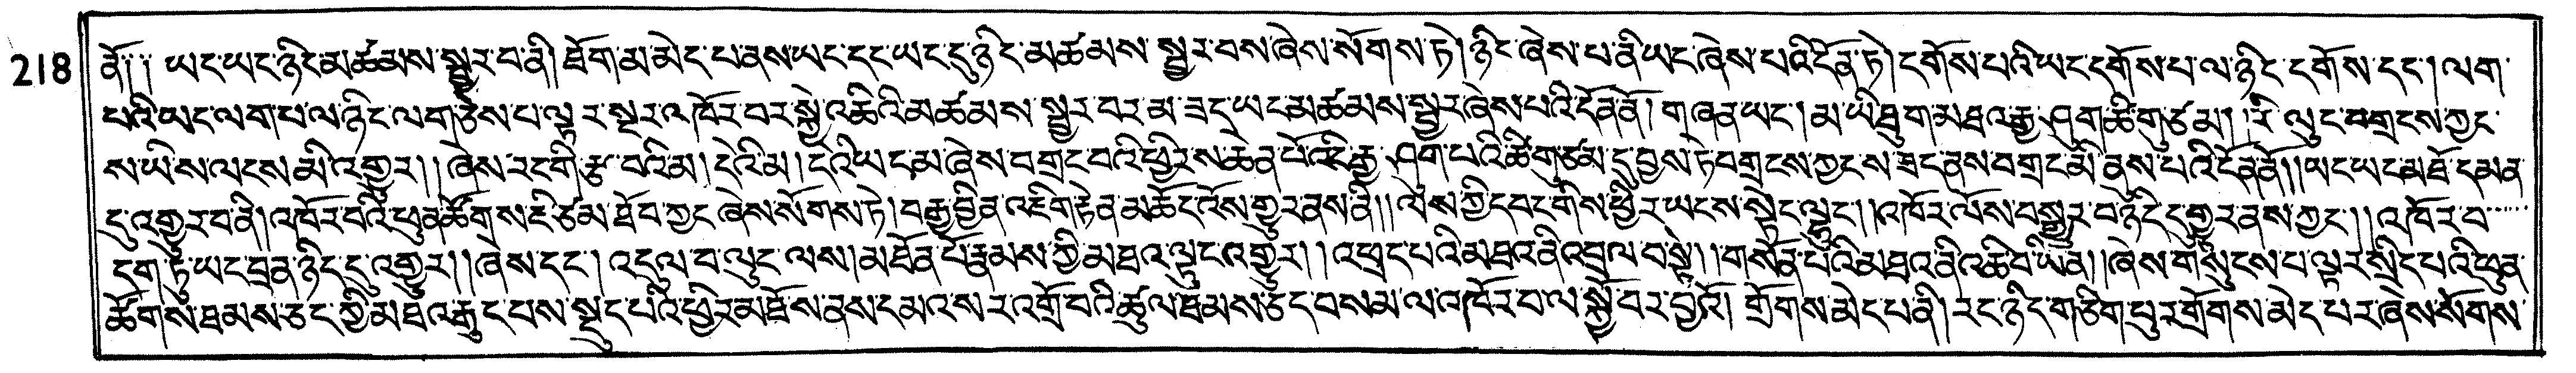ནོ༑ ༑ཡང་ཡང་ཉིད་མཚམས་སྦྱར་བ་ནི། ཐོག་མ་མེད་པ་ནས་ཡང་དང་ཡང་དུ་ཉིད་མཚམས་སྦྱར་བས་ཞེས་སོགས་ཏེ། ཉིང་ཞེས་པ་ནི་ཡང་ཞེས་པའི་དོན་ཏེ། དགོས་པའི་ཡང་དགོས་པ་ལ་ཉིད་དགོས་དང་། ལག་
པའི་ཡང་ལག་པ་ལ་ཉིང་ལག་ཅེས་པ་ལྟར་སྔར་འཁོར་བར་སྐྱེ་འཆིའི་མཚམས་སྦྱར་བར་མ་ཟད་ཡང་མཚམས་སྦྱར་ཞེས་པའི་དོན་ནོ། གཞན་ཡང་། མ་ཡི་ཐུག་མཐའ་རྒྱ་ཤུག་ཚི་གུ་ཙམ། །རི་ལུང་བགྲངས་ཀྱང་
ས་ཡི་ས་ལངས་མི་འགྱུར། །ཞེས་རང་གི་རྩ་བའི་མ། དེའི་མ། དེའི་ཡང་མ་ཞེས་བགྲང་བའི་ཕྱིར་ས་ཆེན་པོ་འདི་རྒྱ་ཤུག་པའི་ཚི་གུ་ཙམ་དུ་བྱས་ཏེ་བགྲངས་ཀྱང་ས་ཟད་ནས་བགྲང་མི་ནུས་པའི་དོན་ནོ། །ཡང་ཡང་མཐོ་དམན་
དུ་འགྱུར་བ་ནི། འཁོར་བའི་ཕུན་ཚོགས་ཇི་ཙམ་ཐོབ་ཀྱང་ཞེས་སོགས་ཏེ། བརྒྱ་བྱིན་འཇིག་རྟེན་མཆོད་འོས་གྱུར་ནས་ནི། །ལས་ཀྱི་དབང་གིས་ཕྱིར་ཡངས་སྟེང་ལྷུང་། །འཁོར་ལོས་བསྒྱུར་བ་ཉིད་དུ་གྱུར་ནས་ཀྱང་། །འཁོར་བ་
དག་ཏུ་ཡང་བྲན་ཉིད་དུ་འགྱུར། །ཞེས་དང་། འདུལ་བ་ལུང་ལས། མཐོན་པོ་རྣམས་ཀྱི་མཐའ་ལྟུང་འགྱུར། །འཕྲད་པའི་མཐའ་ནི་འབྲལ་བ་སྟེ། །གསོན་པའི་མཐའ་ནི་འཆི་བ་ཡིན། །ཞེས་གསུངས་པ་ལྟར་སྲིད་པའི་ཕུན་
ཚོགས་ཐམས་ཅད་ཀྱི་མཐའ་རྒུད་པས་སྡུད་པའི་ཕྱིར་མཐོ་ས་ནས་དམའ་སར་འགྲོ་བའི་ཚུལ་ཐམས་ཅད་བསམ་ལ་འཁོར་བ་ལ་སྐྱོ་བར་བྱའོ། གྲོགས་མེད་པ་ནི། རང་ཉིད་གཅིག་པུར་གྲོགས་མེད་པར་ཞེས་སོགས་